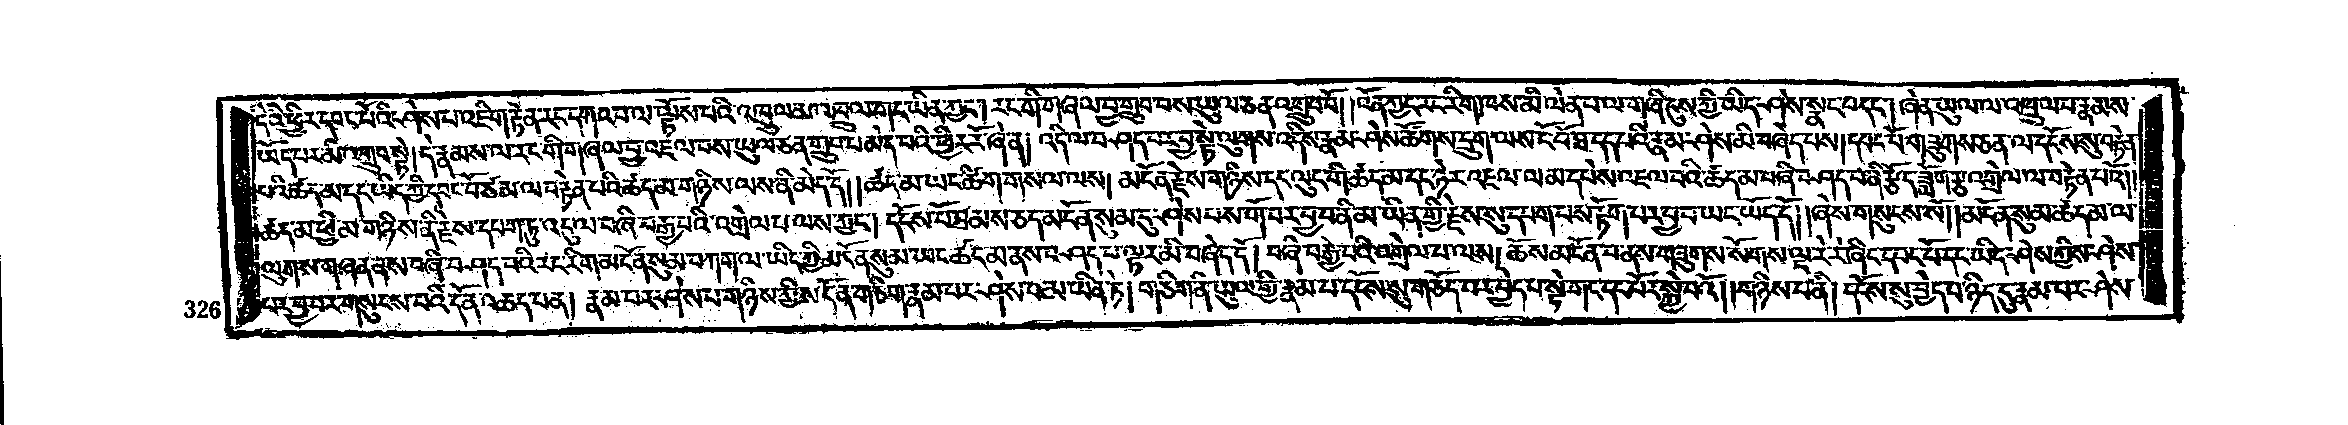དེའི་ཕྱིར་དབང་པོའི་ཤེས་པ་འཇིག་རྟེན་རང་དགའ་བ་ལ་ལྟོས་པའི་འཁྲུལ་མ་འཁྲུལ་གང་ཡིན་ཀྱང་། རང་གི་གཞལ་བྱ་གྲུབ་པས་ཡུལ་ཅན་འགྲུབ་བོ། །འོན་ཀྱང་རང་རིག་ཁས་མི་ལེན་པ་ལ་གཞི་དུས་ཀྱི་ཡིད་ཤེས་སྣང་བ་དང་། ཞེན་ཡུལ་ལ་འཁྲུལ་པ་རྣམས་
ཡོད་པར་མི་འགྲུབ་སྟེ། དེ་རྣམས་ལ་རང་གི་གཞལ་བྱ་འཇལ་བས་ཡུལ་ཅན་གྲུབ་པ་མེད་པའི་ཕྱིར་རོ་ཞེ་ན། འདི་ལ་བཤད་པར་བྱ་སྟེ་ལུགས་འདིས་རྣམ་ཤེས་ཚོགས་དྲུག་ལས་ངོ་བོ་ཐ་དད་པའི་རྣམ་ཤེས་མི་བཞེད་པས། དབང་པོ་གཟུགས་ཅན་ལ་དངོས་སུ་བརྟེན་
པའི་ཚད་མ་དང་ཡིད་ཀྱི་དབང་པོ་ཙམ་ལ་བརྟེན་པའི་ཚད་མ་གཉིས་ལས་ནི་མེད་དོ། །ཚད་མ་ཡང་ཚིག་གསལ་ལས། མངོན་རྗེས་གཉིས་དང་ལུང་གི་ཚད་མ་དང་ཉེར་འཇལ་ལམ་དཔེས་འཇལ་བའི་ཚད་མ་བཞི་བཤད་པ་ནི་རྩོད་ཟློག་རྩལ་འགྲེལ་ལ་བརྟེན་པའོ། །
ཚད་མ་ཕྱི་མ་གཉིས་ནི་རྗེས་དཔག་ཏུ་འདུ་ལ། བཞི་བརྒྱ་པའི་འགྲེལ་པ་ལས་ཀྱང་། དངོས་པོ་ཐམས་ཅད་མངོན་སུམ་དུ་ཤེས་པས་གོ་བར་བྱ་བ་ནི་མ་ཡིན་གྱི་རྗེས་སུ་དཔག་པས་རྟོག་པར་བྱ་བ་ཡང་ཡོད་དོ། །ཞེས་གསུངས་སོ། །མངོན་སུམ་ཚད་མ་ལ་
ལུགས་གཞན་ནས་བཞི་བཤད་པའི་རང་རིག་མངོན་སུམ་བཀག་ལ་ཡིད་ཀྱི་མངོན་སུམ་ཡང་ཚད་མ་ནས་བཤད་པ་ལྟར་མི་བཞེད་དེ། བཞི་བརྒྱ་པའི་འགྲེལ་པ་ལས། ཆོས་མངོན་པ་ནས་གཟུགས་སོགས་ལྔ་རེ་རེ་ཞིང་དབང་པོ་དང་ཡིད་ཤེས་ཀྱིས་ཤེས་
པར་བྱ་བར་གསུངས་པའི་དོན་འཆད་པ་ན། རྣམ་པར་ཤེས་པ་གཉིས་ཀྱིས་དོན་གཅིག་རྣམ་པར་ཤེས་པ་མ་ཡིན་ཏེ། གཅིག་ནི་ཡུལ་གྱི་རྣམ་པ་དངོས་སུ་གཅོད་པར་བྱེད་པ་སྟེ་གང་དང་པོར་སྐྱེ་བའོ། །གཉིས་པ་ནི། དངོས་སུ་བྱེད་པ་ཉིད་དུ་རྣམ་པར་ཤེས་